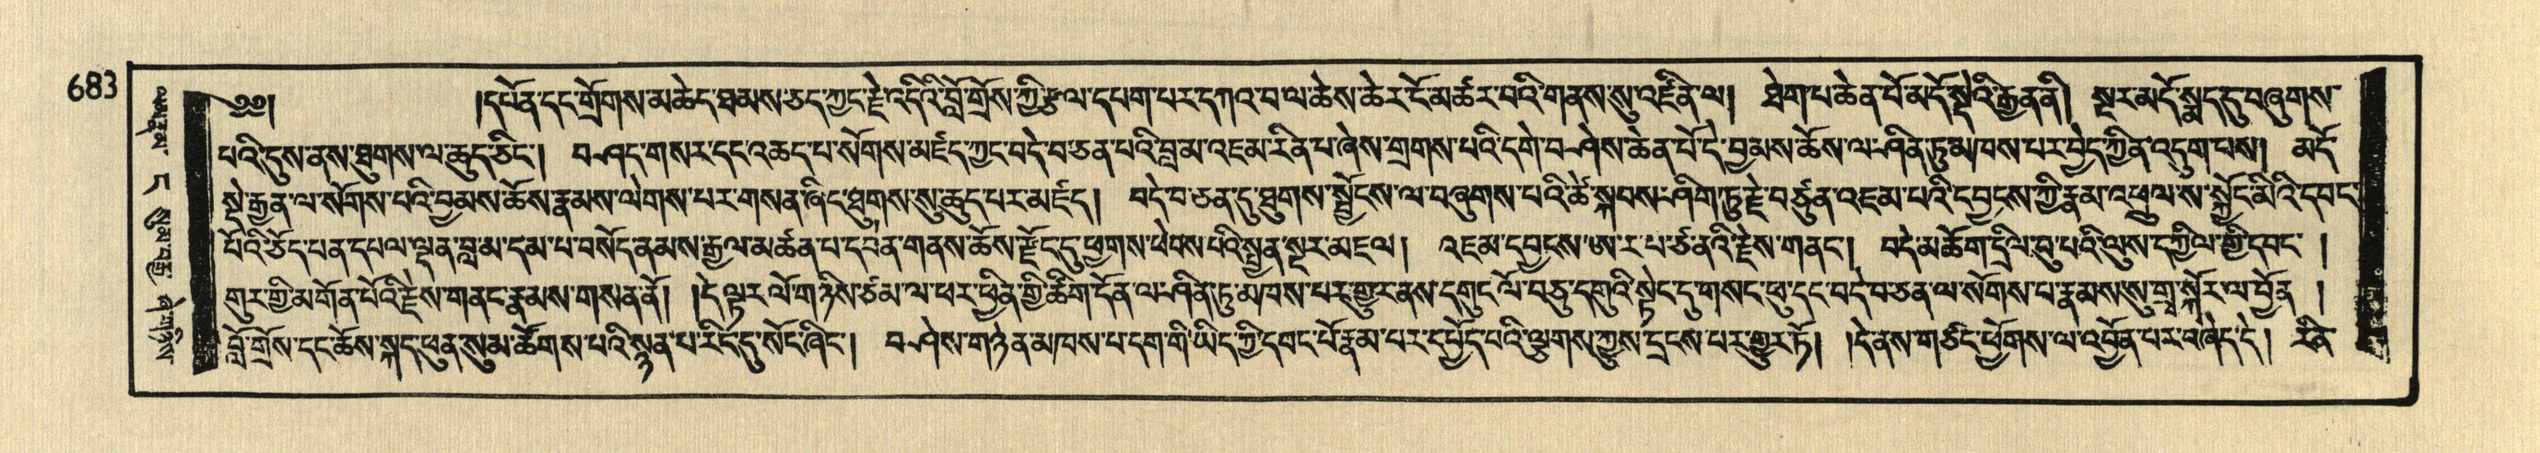༄༅། །དཔོན་དང་གྲོགས་མཆེད་ཐམས་ཅད་ཀྱང་རྗེ་འདིའི་བློ་གྲོས་ཀྱི་རྩལ་དཔག་པར་དཀའ་བ་ལ་ཆོས་ཆེར་ངོ་མཚར་བའི་གནས་སུ་འཛིན་ལ། ཐེག་པ་ཆེན་པོ་མདོ་སྡེའི་རྒྱན་ནི། སྔར་མདོ་སྨད་དུ་བཞུགས་
པའི་དུས་ནས་ཐུགས་ལ་ཆུད་ཅིང་། བཤད་གསར་དང་འཆད་པ་སོགས་མཛད་ཀྱང་བདེ་བ་ཅན་པའི་བླ་མ་འཇམ་རིན་པ་ཞེས་གྲགས་པའི་དགེ་བཤེས་ཆེན་པོ་དེ་བྱམས་ཆོས་ལ་ཤིན་ཏུ་མཁས་པར་བྱེད་ཀྱིན་འདུག་པས། མདོ་
སྡེ་རྒྱན་ལ་སོགས་པའི་བྱམས་ཆོས་རྣམས་ལེགས་པར་གསན་ཞིང་ཐུགས་སུ་ཆུད་པར་མཛད། བདེ་བ་ཅན་དུ་ཐུགས་སྦྱོངས་ལ་བཞུགས་པའི་ཚེ་སྐབས་ཤིག་ཏུ་རྗེ་བཙུན་འཇམ་པའི་དབྱངས་ཀྱི་རྣམ་འཕྲུལ་ས་སྐྱོང་མིའི་དབང་
པོའི་ཅོད་པན་དཔལ་ལྡན་བླ་མ་དམ་པ་བསོད་ནམས་རྒྱལ་མཚན་པ་དབེན་གནས་ཆོས་རྫོང་དུ་ཕྱགས་ཕེབས་པའི་སྤྱན་སྔར་མཇལ། འཇམ་དབྱངས་ཨ་ར་པ་ཙ་ནའི་རྗེས་གནང་། བདེ་མཆོག་དྲིལ་བུ་པའི་ལུས་དཀྱིལ་གྱི་དབང་།
གུར་གྱི་མགོན་པོའི་རྗེས་གནང་རྣམས་གསན་ནོ། །དེ་ལྟར་ལོ་གཉིས་ཙམ་ལ་ཕར་ཕྱིན་གྱི་ཚིག་དོན་ལ་ཤིན་ཏུ་མཁས་པར་གྱུར་ནས་དགུང་ལོ་བཅུ་དགུའི་སྟེང་དུ་གསང་ཕུ་དང་བདེ་བ་ཅན་ལ་སོགས་པ་རྣམས་སུ་གྲྭ་སྐོར་ལ་བྱོན་།
བློ་གྲོས་དང་ཆོས་སྐད་ཕུན་སུམ་ཚོགས་པའི་སྙན་པ་རིང་དུ་སོང་ཞིང་། བཤེས་གཉེན་མཁས་པ་དག་གི་ཡིད་ཀྱི་དབང་པོ་རྣམ་པར་དཔྱོད་པའི་ལྕགས་ཀྱུས་དྲངས་པར་གྱུར་ཏོ། །དེ་ནས་གཙང་ཕྱོགས་ལ་འབྱོན་པར་བཞེད་དེ། རིན་